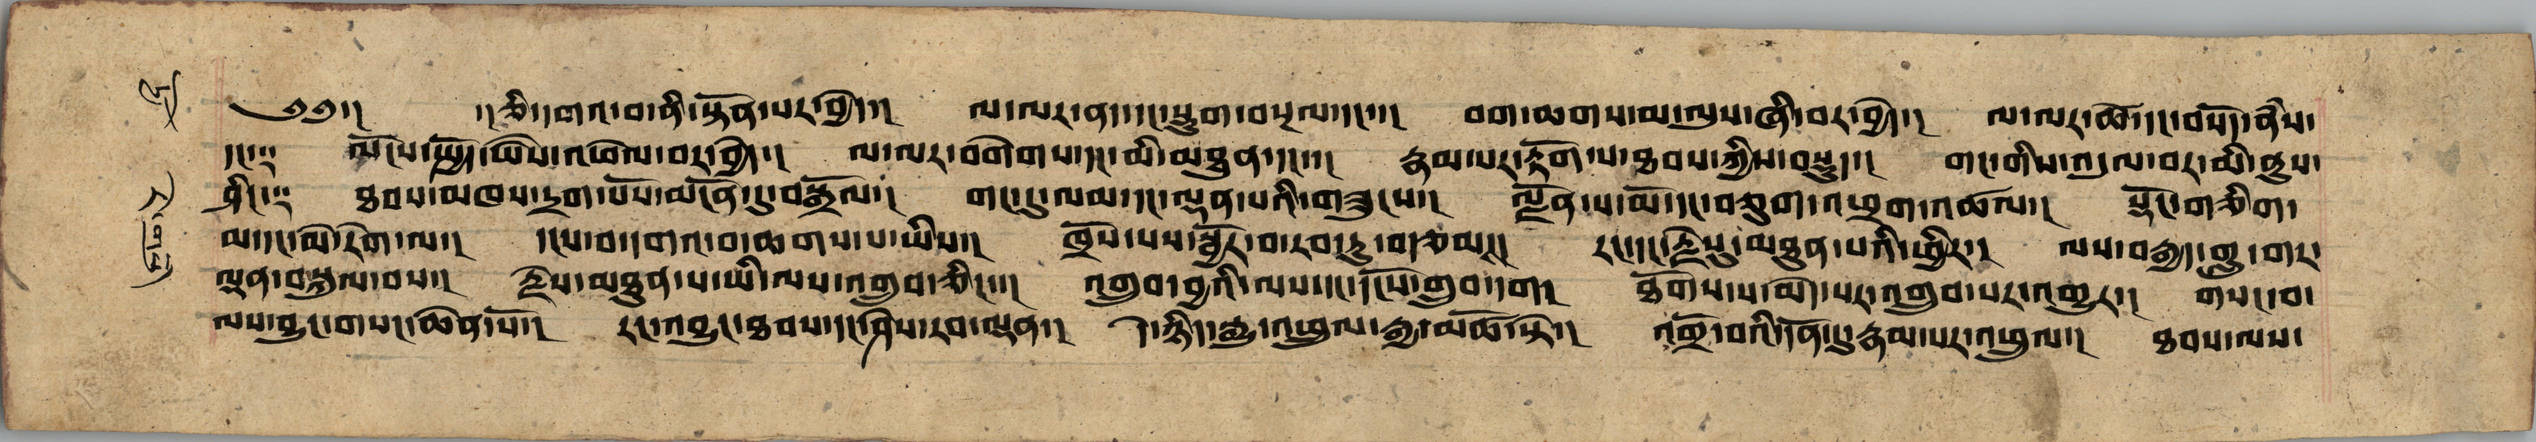༄༅་། ་།ཅི་དགའ་བ་ནི་སྟོན་པར་བྱེད་། ལ་ལར་ནད་དང་སྡུག་བསྔལ་དང་་། བག་ཆགས་མ་ལུས་ཞི་བར་བྱེད་། ལ་ལར་ཚེ་དང་བསོད་ནཾས་
དང་༑ ལོངས་སྤྱོད་ཡཻས་འཕེལ་བར་བྱེད་། ལ་ལར་བགེགས་དང་མི་མཐུན་དང་། རྣམ་པར་རྟོག་པ་ཐབས་ཀྱིས་བསྡུད་། གང་གིས་འདུལ་བར་མི་ནུས་
ཤིང་༑ ཐབས་མཁས་དྲག་པོས་མངོན་དུ་བསྒྲོལ་། གང་དུ་ལམ་དང་ལྡན་པའི་གཟུངས་། ལྗོན་པ་མོ་དང་བཅུག་འཕྲག་འཚལ་། སྡོང་གཅིག་
མ་དང་མེ་རེག་ལ་། དངས་བ་དགའ་བ་ཆགས་པ་ཡིས་། ཁྲོས་པས་སྦྱོར་བ་རབ་ཏུ་བརྩམས་། རང་དང་རྗེསུ་མཐུན་པའི་ཕྱིར་། ལས་བརྒྱད་གླུ་གར་
ལྡན་བསྐུལ་བས་། རྗེས་མཐུན་པ་ཡི་ལས་འགྲུབ་ཅིང་་། འགྲུབ་བྱའི་ལས་དང་དངོས་གྲུབ་དག། ཐོགས་པ་མེད་པར་འགྲུབ་པར་འགྱུར་། གསང་བ་
ལས་བྱུང་གསང་ཆེན་པོ་། རང་འབྱུང་ཐབས་དང་ཤེས་རབ་ལྡན་། དེ་ཉིད་སྒྱུ་འཕྲུལ་རྒྱ་མཚོ་སྟེ་། འགྲོ་བའི་དོན་དུ་རྣམ་པར་འཕྲུལ་། ཐབས་ལས་